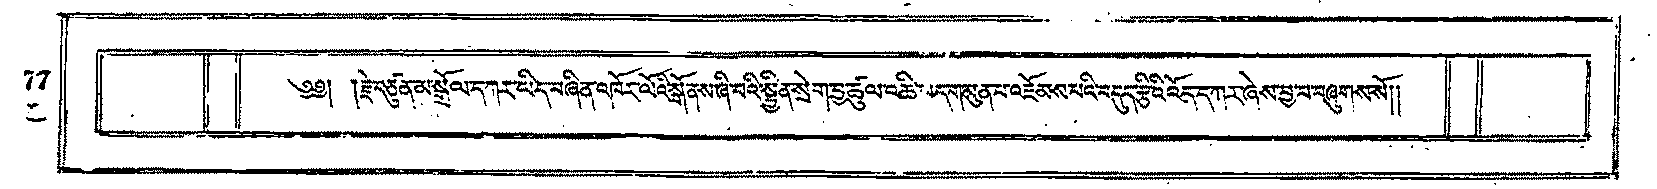༄༅། །རྗེ་བཙུན་མ་སྒྲོལ་དཀར་ཡིད་བཞིན་འཁོར་ལོའི་སྒོ་ནས་ཞི་བའི་སྦྱིན་སྲེག་བྱ་ཚུལ་འཆི་བདག་མུན་པ་འཇོམས་པའི་བདུད་རྩིའི་འོད་དཀར་ཞེས་བྱ་བ་བཞུགས་སོ།།